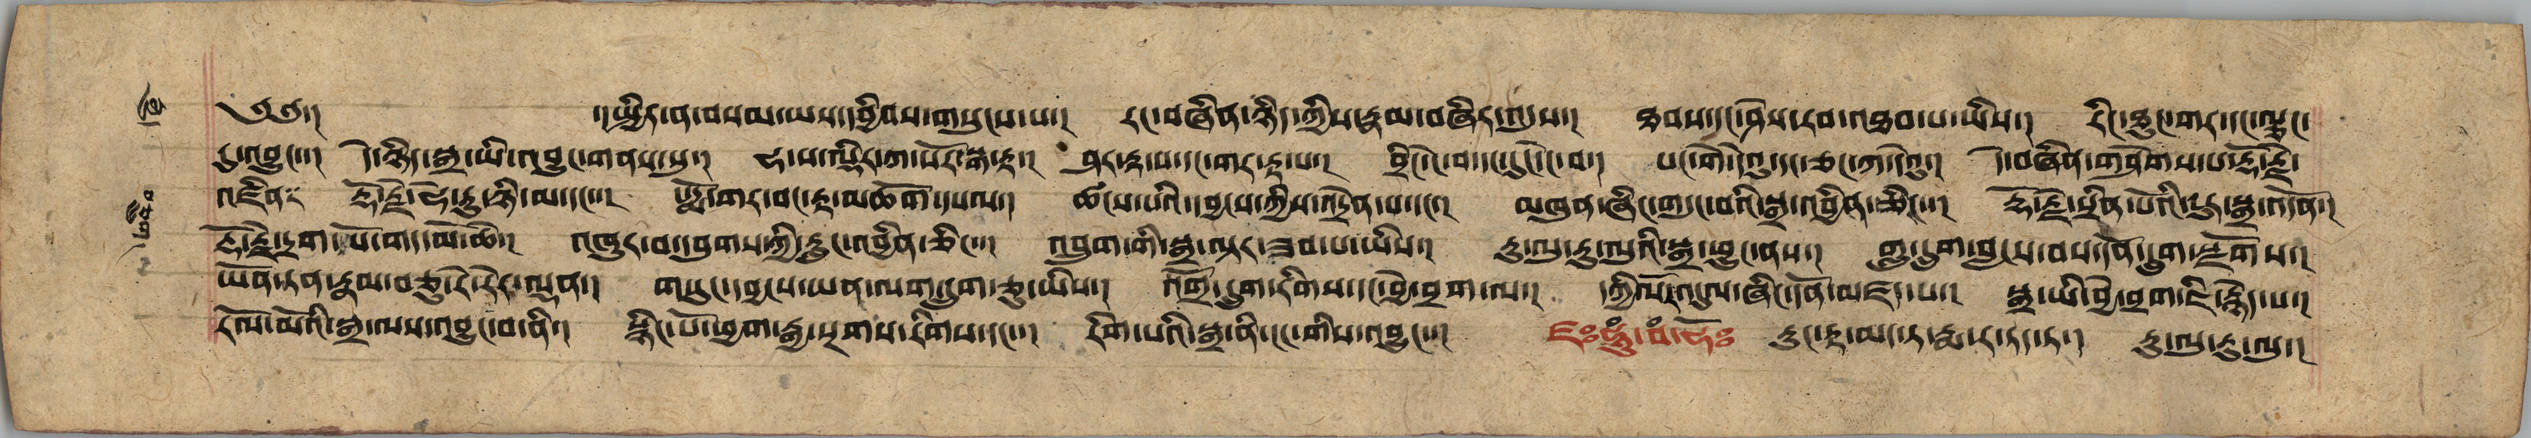༄༅་། ་།སྤྱིར་ན་བསམ་ཡས་དབྱིབས་གསུངས་པ་། རང་བཞིན་ཉིད་ཀྱིས་རྣམ་བཞིར་འདུས་། ཐབས་དང་ཤེས་རབ་འཐབ་པ་ཡིས་། རིང་ཐུང་གར་དང་ལྕང་
དུ་འབྱུང་་། དེ་ཉིད་སྒྲ་ཡི་འབྱུང་གནས་སུ་། ཧ་པ་ལྡིར་ཀ་སོར་སྒ་རྟ་། ཤར་རྟ་ས་དང་གར་རྟ་པ་། བྲིང་ངེ་བ་དང་དུང་ངེ་བ་། སང་གེ་དེའུ་དང་ཅང་ཀ་དེའུ་། དེ་བཞིན་གཤེགས་པ་རྡོ་རྗེ་
འཛིན༑ རྡོ་རྗེ་ཧེ་རུ་ཉི་མ་དང་་། པདྨོ་གར་བང་རྟ་མཆོག་དཔལ་། ཚངས་པའི་དབྱངས་ཀྱིས་འདྲེན་པ་དང་་། མཁུན་ཞིང་གདུང་བའི་སྒྲ་འབྱིན་ཅིང་་། རྡོ་རྗེ་སྲིན་པོའི་ངུར་སྒྲ་འདོན་།
རྡོ་རྗེ་དྲག་པོ་གད་མོ་ཆེ་། འཁུར་བ་དབུགས་ཀྱི་རླུང་འབྱིན་ཅིང་་། འབྲུག་གི་སྒྲ་ལྟར་ཟབ་པ་ཡིས་། རུ་ལུ་རུ་ལུའི་སྒྲ་ཕྱུང་ནས་། གླུ་དྲུག་བླངས་བས་དོན་དྲུག་སྫོགས་།
ཡོན་ཏན་རྣམ་བཅུ་རེ་རེར་ལྡན་། གསུང་དབྱངས་ཡན་ལག་དྲུག་ཅུ་ཡིས་། འགྲོ་དྲུག་རིགས་དང་བྱེ་བྲག་ལ་། དཀྱིལོར་འདུལ་ཞིང་དོན་་མཛད་པ་། སྒྲ་ཡི་བྱེ་བྲག་ཇི་སྙེད་པ་།
རོལ་མོའི་སྒྲ་ལས་འབྱུང་བ་ནི་། སྙིང་པོ་ཕྱག་རྒྱ་སྔགས་རིགས་དང་་། རིག་པའི་སྒྲ་ནི་ངང་གིས་འབྱུང་་། ཛཿཧཱུཾ་བཾ་ཧོཿ རུང་རྟ་མད་ཏ་རྨ་ར་ཏད་ཏ་། རུ་ལུ་རུ་ལུ་།